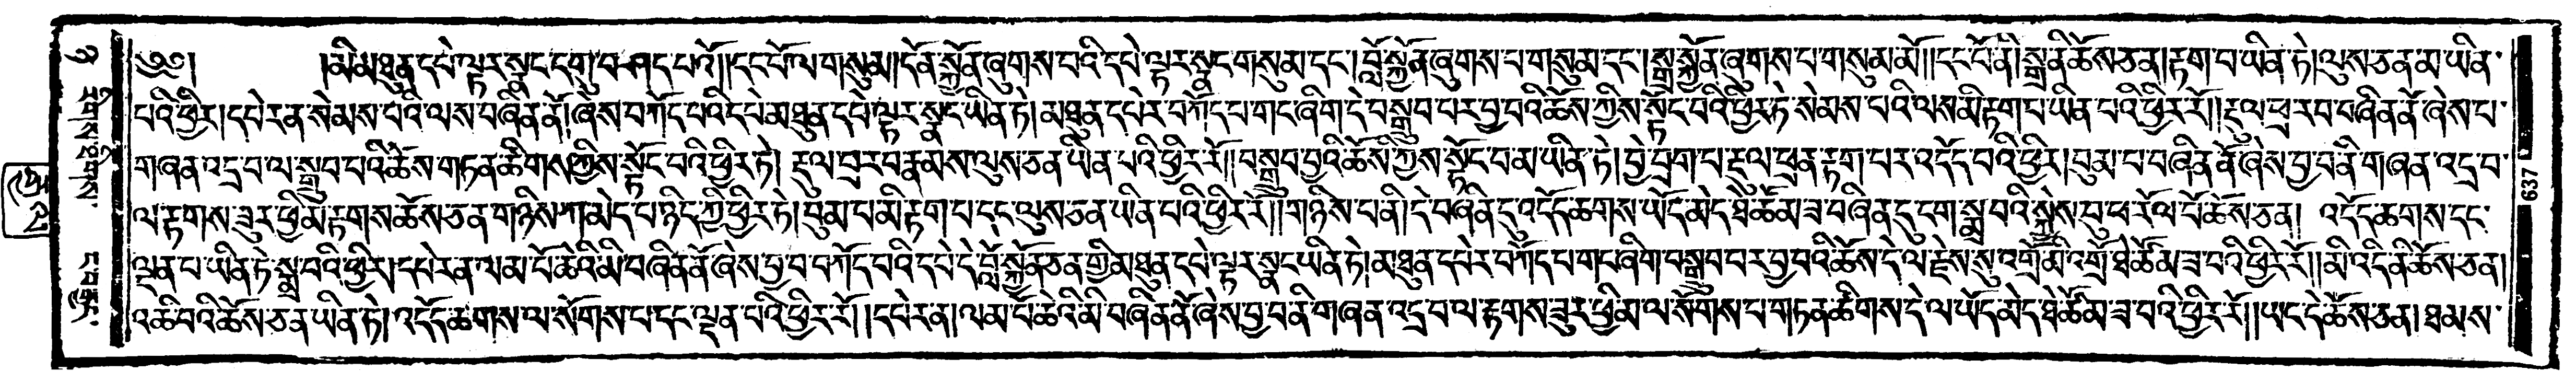༄༅། །མི་མཐུན་དཔེ་ལྟར་སྣང་དགུ་བཤད་པའོ། །དང་པོ་ལ་གསུམ། དོན་སྐྱོན་ཞུགས་པའི་དཔེ་ལྟར་སྣང་གསུམ་དང་། བློ་སྐྱོན་ཞུགས་པ་གསུམ་དང་། སྒྲ་སྐྱོན་ཞུས་པ་གསུམ་མོ། །དང་པོ་ནི། སྒྲ་ནི་ཆོས་ཅན། རྟག་པ་ཡིན་ཏེ། ལུས་ཅན་མ་ཡིན་
པའི་ཕྱིར། དཔེར་ནས་སེམས་པའི་ལས་བཞིན་ནོ། ཞེས་བཀོད་པའི་དཔེ་མཐུན་དཔེ་ལྟར་སྣང་ཡིན་ཏེ། མཐུན་དཔེར་བཀོད་པ་གང་ཞིག་དེ་བསྒྲུབ་པར་བྱ་བའི་ཆོས་ཀྱིས་སྟོང་བའི་ཕྱིར་ཏེ་སེམས་པའི་ལས་མི་རྟག་པ་ཡིན་པའི་ཕྱིར་རོ། །རྡུལ་ཕྲ་རབ་བཞིན་ནོ་ཞེས་པ་
གཞན་འདྲ་བ་ལ་སྒྲུབ་པའི་ཆོས་གཏན་ཚིགས་ཀྱིས་སྟོང་བའི་ཕྱིར་ཏེ། རྡུལ་བྲ་རབ་རྣམས་ལུས་ཅན་ཡིན་པའི་ཕྱིར་རོ། །བསྒྲུབ་བྱའི་ཆོས་ཀྱིས་སྟོང་བ་མ་ཡིན་ཏེ། བྱེ་བྲག་པ་རྡུལ་ཕྲན་རྟག་པར་འདོད་པའི་ཕྱིར། བུམ་པ་བཞིན་ནོ་ཞེས་བྱ་བ་ནི་གཞན་འདྲ་བ་
ལ་རྟགས་ཟུར་ཕྱི་མ་རྟགས་ཆོས་ཅན་གཉིས་ཀ་མེད་པ་ཉིད་ཀྱི་ཕྱིར་ཏེ། བུམ་པ་མི་རྟག་པ་དང་ལུས་ཅན་ཡིན་པའི་ཕྱིར་རོ། །གཉིས་པ་ནི། དེ་བཞིན་དུ་འདོད་ཆགས་ཡོད་མེད་ཐེ་ཚོམ་ཟ་བཞིན་དུ་དག་སྨྲ་བའི་སྐྱེས་བུ་ཕ་རོལ་པོ་ཆོས་ཅན། འདོད་ཆགས་དང་
ལྡན་པ་ཡིན་ཏེ་སྨྲ་བའི་ཕྱིར། དཔེར་ན་ལམ་པོ་ཆེའི་མི་བཞིན་ནོ་ཞེས་བྱ་བ་བཀོད་པའི་དཔེ་དེ་བློ་སྐྱོན་ཅན་གྱི་མཐུན་དཔེ་ལྟར་སྣང་ཡིན་ཏེ། མཐུན་དཔེར་བཀོད་པ་གང་ཞིག་བསྒྲུབ་བར་བྱ་བའི་ཆོས་དེ་ལ་རྗེས་སུ་འགྲོ་མི་འགྲོ་ཐེ་ཚོམ་ཟ་བའི་ཕྱིར་རོ། །མི་འདི་ནི་ཆོས་ཅན།
འཆི་བའི་ཆོས་ཅན་ཡིན་ཏེ། འདོད་ཆགས་ལ་སོགས་པ་དང་ལྡན་པའི་ཕྱིར་རོ། །དཔེར་ན། ལམ་པོ་ཆེའི་མི་བཞིན་ནོ་ཞེས་བྱ་བ་ནི་གཞན་འདྲ་བ་ལ་རྟགས་ཟུར་ཕྱི་མ་ལ་སོགས་པ་གཏན་ཚིགས་དེ་ལ་ཡོད་མེད་ཐེ་ཚོམ་ཟ་བའི་ཕྱིར་རོ། །ཡང་དེ་ཆོས་ཅན། ཐམས་